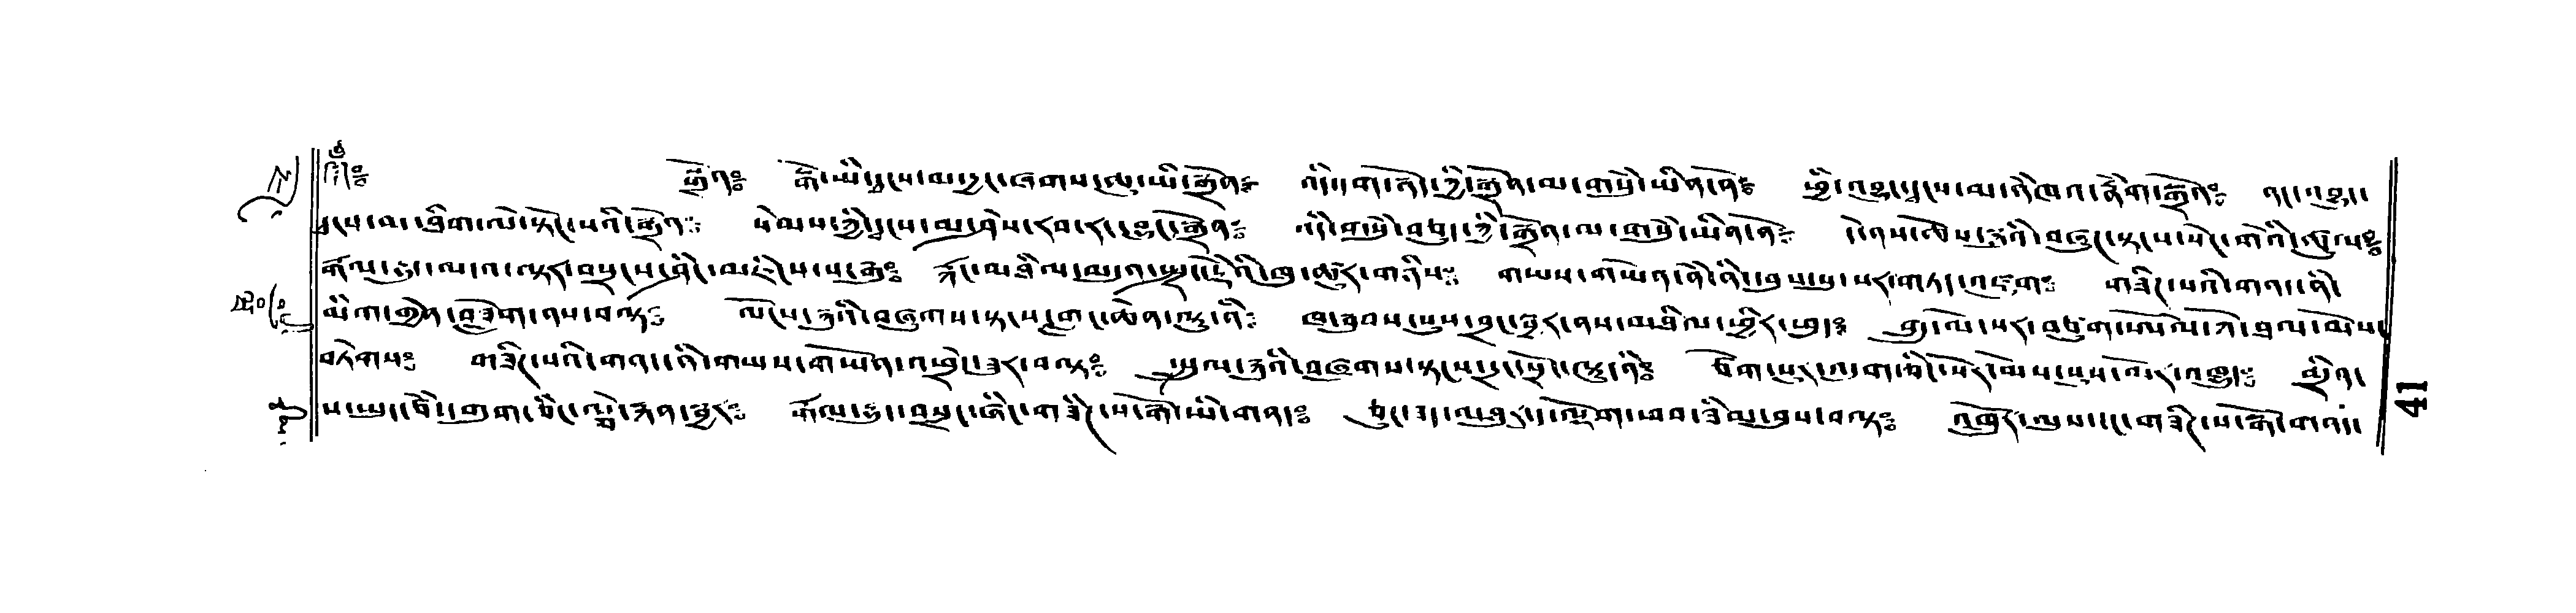སྒྲོན༔ སྒོ་ཡི་དྭངས་མ་རྒྱང་ཞགས་ཆུ་ཡི་སྒྲོན༔ འདི་དག་སྣོད་ཀྱི་སྒྲོན་མ་གསུམ་ཡིན་ནོ༔ ཕྱི་འབྱུང་དྭངས་མ་ནམ་མཁའ་རྣམ་དག་སྒྲོན༔ ནང་འབྱུང་
དྭངས་མ་ཐིག་ལེ་སྟོང་པའི་སྒྲོན༔ སེམས་ཀྱི་དྭངས་མ་ཤེས་རབ་རང་བྱུང་སྒྲོན༔ འདི་གསུམ་བཅུད་ཀྱི་སྒྲོན་མ་གསུམ་ཡིན་ནོ༔ དེ་ནས་ཆོས་སྐུའི་བཞུགས་སྟངས་སེང་གེའི་ཚུལ༔ 
རྒལ་རྒྱུད་མདའ་ལྟར་བསྲངས་ཤིང་མཇིང་པ་སྒུ༔ རྐང་མཐིལ་མདུན་སྤྲད་རྡོ་རྗེའི་ཁུ་ཚུར་གཉིས༔ གཡས་གཡོན་ནམ་ནི་དབུས་སུ་སར་གཏད་འཛུགས༔ གཟིགས་པའི་གནད་ནི་
མིག་གྱེན་ལྡོག་ནས་བལྟ༔ ལོངས་སྐུའི་བཞུགས་སྟངས་གླང་ཆེན་ལྟ་བུ་ནི༔ ཁ་སྦུབས་པུས་བྲང་སྦྱར་ནས་མཐིལ་ཕྱིར་ཕུད༔ གྲུ་མོ་སར་བཙུགས་ཨོལ་ཀོ་ཐལ་མོས་
བཏེགས༔ གཟིགས་པའི་གནད་ནི་གཡས་གཡོན་འཕྲེད་ཟུར་བལྟ༔ སྤྲུལ་སྐུའི་བཞུགས་སྟངས་དྲང་སྲོང་ལྟ་བུ་ནི༔ ཙོག་པུར་འདུག་ཅིང་སོར་མོས་པུས་མོར་འཁྱུད༔ མགྲིན་
པ་ཡུད་ཙམ་གུག་ཅིང་ལྕེ་རྐན་སྦྱར༔ རྒལ་རྒྱུད་བསྲང་ཞིང་གཟིགས་པ་སྒོ་ཡི་གནད༔ ཅུང་ཟད་ཐུར་དུ་ལྡོག་ཕབ་ཟིམ་བུས་བལྟ༔ འཕྲུལ་འཁོར་ལུས་དང་གཟིགས་པ་སྒོ་གནད་